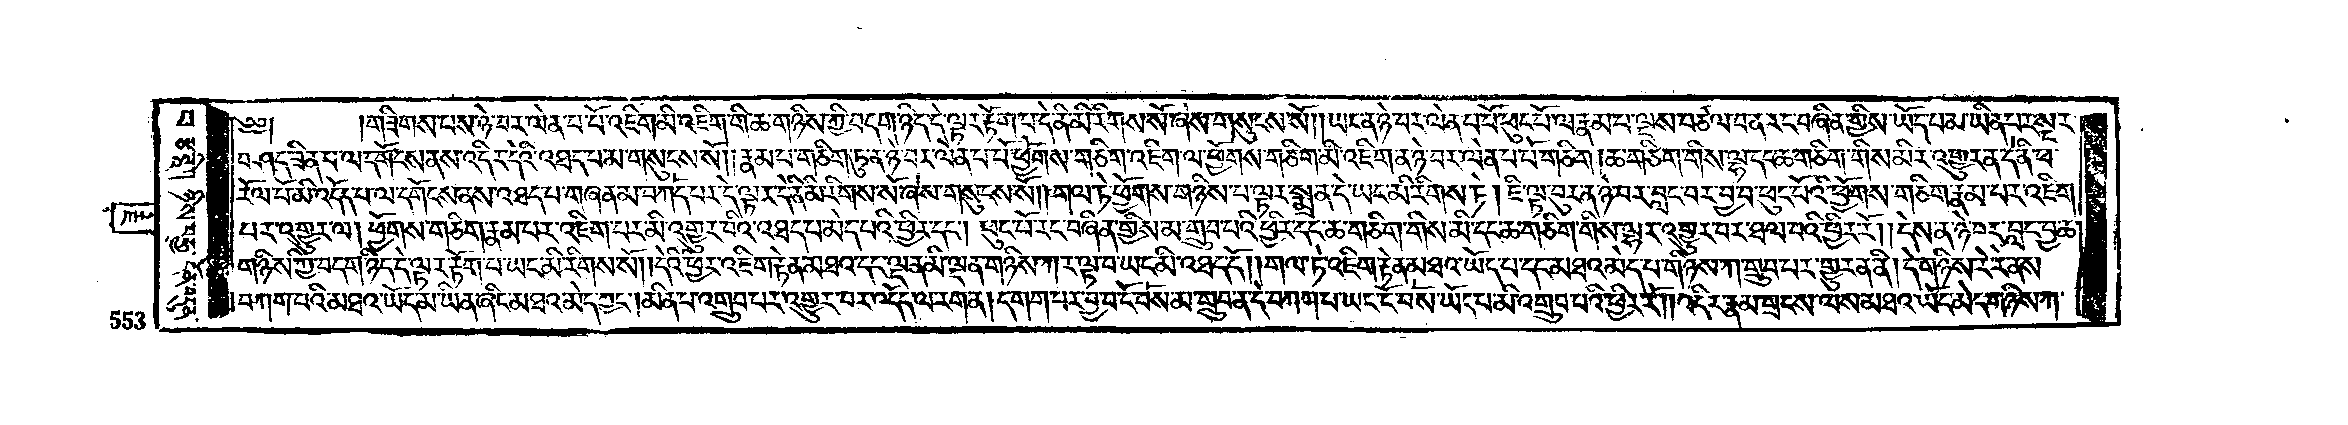༄༅། །གཟིགས་པས་ཉེ་བར་ལེན་པ་པོ་འཇིག་མི་འཇིག་གི་ཆ་གཉིས་ཀྱི་བདག་ཉིད་དེ་ལྟར་རྟོག་པ་དེ་ནི་མི་རིགས་སོ་ཞེས་གསུངས་སོ། །ཡང་ན་ཉེ་བར་ལེན་པ་པོ་ཕུང་པོ་ལ་རྣམ་པ་ལྔས་བཙལ་བ་ན་རང་བཞིན་གྱིས་ཡོད་པ་མ་ཡིན་པར་སྔར་
བཤད་ཟིན་པ་ལ་དགོངས་ནས་འདིར་དེའི་འཐད་པ་མ་གསུངས་སོ། །རྣམ་པ་གཅིག་ཏུ་ན་ཉེ་བར་ལེན་པ་པོ་ཕྱོགས་གཅིག་འཇིག་ལ་ཕྱོགས་གཅིག་མི་འཇིག་ན་ཉེ་བར་ལེན་པ་པོ་གཅིག། ཆ་གཅིག་གིས་ལྷ་དང་ཆ་གཅིག་གིས་མིར་འགྱུར་ན་དེ་ནི་ཕ་
རོལ་པོ་མི་འདོད་པ་ལ་དགོངས་ནས་འཐད་པ་གཞན་མ་བཀོད་པར་དེ་ལྟར་དེ་ནི་མི་རིགས་སོ་ཞེས་གསུངས་སོ། །གལ་ཏེ་ཕྱོགས་གཉིས་པ་ལྟར་སྨྲན་དེ་ཡང་མི་རིགས་ཏེ། ཇི་ལྟ་བུར་ན་ཉེ་བར་བླང་བར་བྱ་བ་ཕུང་པོའི་ཕྱོགས་གཅིག་རྣམས་པར་འཇིག་
པར་འགྱུར་ལ། ཕྱོགས་གཅིག་རྣམ་པར་འཇིག་པར་མི་འགྱུར་བའི་འཐད་པ་མེད་པའི་ཕྱིར་དང་། ཕུང་པོ་རང་བཞིན་གྱིས་མ་གྲུབ་པའི་ཕྱིར་དང་ཆ་གཅིག་གིས་མི་དང་ཆ་གཅིག་གིས་ལྷར་འགྱུར་བར་ཐལ་བའི་ཕྱིར་རོ། །དེས་ན་ཉེ་བར་བླང་བྱ་ཆ་
གཉིས་ཀྱི་བདག་ཉིད་དེ་ལྟར་རྟོག་པ་ཡང་མི་རིགས་སོ། །དེའི་ཕྱིར་འཇིག་རྟེན་མཐའ་དང་ལྡན་མི་ལྡན་གཉིས་ཀར་ལྟ་བ་ཡང་མི་འཐད་དོ། །གལ་ཏེ་འཇིག་རྟེན་མཐའ་ཡོད་པ་དང་མཐའ་མེད་པ་གཉིས་ཀ་གྲུབ་པར་གྱུར་ན་ནི། དེ་གཉིས་རེ་རེ་ནས་
བཀག་པའི་མཐའ་ཡོད་མ་ཡིན་ཞིང་མཐའ་མེད་ཀྱང་། མིན་པ་འགྲུབ་པར་འགྱུར་བར་འདོད་ལ་རག་ན། དགག་པར་བྱ་བ་ངོ་བོས་མ་གྲུབ་ན་དེ་བཀག་པ་ཡང་ངོ་བོས་ཡོད་པ་མི་འགྲུབ་པའི་ཕྱིར་རོ། །འདིར་རྣམ་གྲངས་ལས་མཐའ་ཡོད་མེད་གཉིས་ཀ་